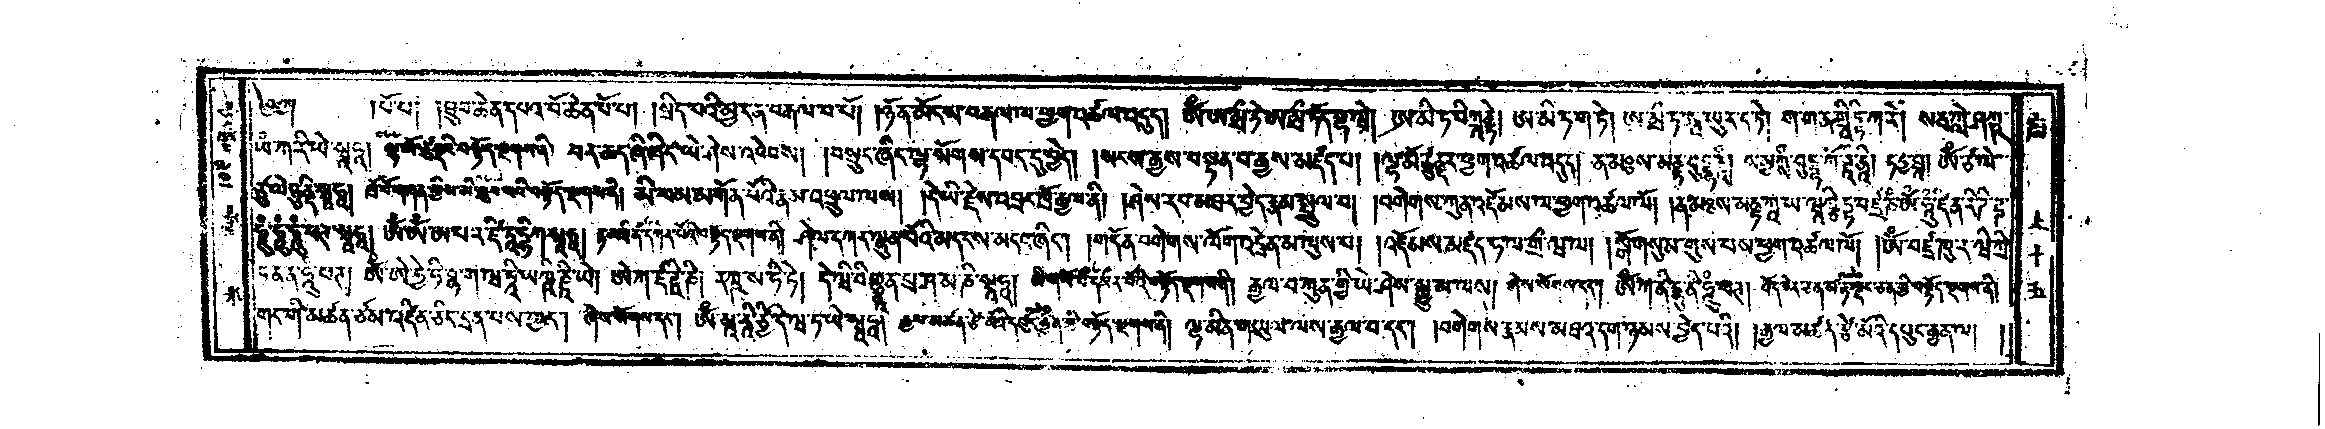༄༅། །པོ་པ༑ ༑ཐུབ་ཆེན་དཔའ་བོ་ཆེན་པོ་པ། །སྲིད་པའི་མྱ་ངན་བརྒལ་བ་པོ། །ཉོན་མོངས་བརྒལ་ལ་ཕྱག་འཚལ་འདུད། ཨོཾ་ཨ་མྲྀ་ཏེ་ཨ་མྲྀ་ཏོད་བྷ་ཝེ། ཨ་མི་ཏ་བིཀྲཱནྟེ། ཨ་མི་ཏ་ག་ཏེ། ཨ་མྲྀ་ཏ་ཨཱ་ཡུར་ད་ཏེ། ག་ག་ན་ཀྲཱིཏྟི་ཀ་རེ། སརྦ་ཀླེ་ཤཀྵ་
ཡཾ་ཀ་རི་ཡེ་སྭཱཧཱ། ལྷ༡༦༦་མོ་ཙུནྡའི་བསྟོད་སྔགས་ནི། བར་ཆད་ཞི་ཞིང་ཡེ་ཤེས་འབེབས། །བསྲུང་ཞིང་ལྷ་སོགས་དབང་དུ་བྱེད། །སངས་རྒྱས་བསྟན་པ་རྒྱས་མཛད་པ། །ལྷ་མོ་ཙུནྡར་ཕྱག་འཚལ་འདུད། ན་མཿས་མནྟ་བུདྡྷ་ནཱཾ། སམྱཀྶཾ་བུདྡྷ་ཀོ་ཌཱི་ནཱི། ཏདྱ་ཐཱ། ཨོཾ་ཙ་ལེ་
ཙུ་ལེ་ཙུནྡེ་སྭཱཧཱ། ཁྲོ་བོ་གཞན་གྱིས་མི་ཐུབ༡༦༧་པའི་བསྟོད་སྔགས་ནི། མི་ཕམ་མགོན་པོའི་རྣམ་འཕྲུལ་ལས། །དེ་ཡི་རྗེས་འབྲང་ཁྲོ་རྒྱལ་ནི། །ཤེས་རབ་མཐར་བྱེད་རྣམ་སྤྲུལ་བ། །བགེགས་ཀུན་འཇོམས་ལ་ཕྱག་འཚལ་ལོ། །ན་མཿས་མནྟ་ཀཱ་ཡ་ཝཱཀྩིཏྟ་བཛྲ་ཎཾ་ཨོཾ་ཧཱུཾ་ཛིན་རི་ཌི་ཌྜ་
ཧཱུཾ་ཧཱུཾ་ཧཱུཾ་ཕཊ་སྭཱཧཱ། ཨོཾ་ཨོཾ་ཨ་པ་ར་ཛི་ཏཱ་དྷིཀ་སྭཱཧཱ། རྟ་མགྲིན༡༦༨་དཀར་པོའི་བསྟོད་སྔགས་ནི། ཤེལ་དཀར་ལྷུན་པོའི་མདངས་མདའ་ཞིང་། །གདོན་བགེགས་ལོག་འདྲེན་མ་ལུས་པ། །འཇོམས་མཛད་ཧ་ལ་གྲྀ་ཝ་ལ། །སྒོ་གསུམ་གུས་པས་ཕྱག་འཚལ་ལོ། །ཨོཾ་བཛྲ་ཁུ་ར་ཝི་ཀྲི་
ཏ་ན་ན་ཧཱུཾ་ཕཊ། ཨོཾ་ཨེ་ཧྱེ་ཧི་བྷ་ག་ཝ་ཏཱི་ཡཀྵི་ཎཱི་ཡེ། ཨེ་ཀ་ཛ་ཌཱི་ཎི། རཀྵ་ས་ཧི་ཏེ?། དེ་ཝི་བིགྷྣཱན་པྲ་ཤ་མ་ཎི་སྭཱཧཱ། མི་གཡོ་བ༡༦༩་དམར་པོའི་བསྟོད་སྔགས་ནི། རྒྱལ་བ་ཀུན་གྱི་ཡེ་ཤེས་སྒྱུ་མ་ལས། ཞེས་སོགས་དང་།  ཨོཾ་ཀ་ནི་དྷུ་ནི་ཧཱུཾ་ཕཊ། འོད་ཟེར་ཅན་མ་རྟ་ལྗང༡༧༠་ཅན་གྱི་བསྟོད་སྔགས་ནི།
གང་གི་མཚན་ཙམ་འཛིན་ཅིང་དྲན་པས་ཀྱང་། ཞེས་སོགས་དང་།  ཨོཾ་མཱ་རཱི་ཙྱི་དེ་ཝ་ཏ་ཡེ་སྭཱཧཱ། རྒྱལ་མཚན་རྩེ་མོའི་དབུད?་རྒྱན༡༧༡་གྱི་བསྟོད་སྔགས་ནི། ལྷ་མིན་གཡུལ་ལས་རྒྱལ་བ་དང་། །བགེགས་རྣམས་མཐའ་དག་ཉམས་བྱེད་པའི། །རྒྱལ་མཚན་རྩེ་མོའི་དཔུང་རྒྱན་ལ། །